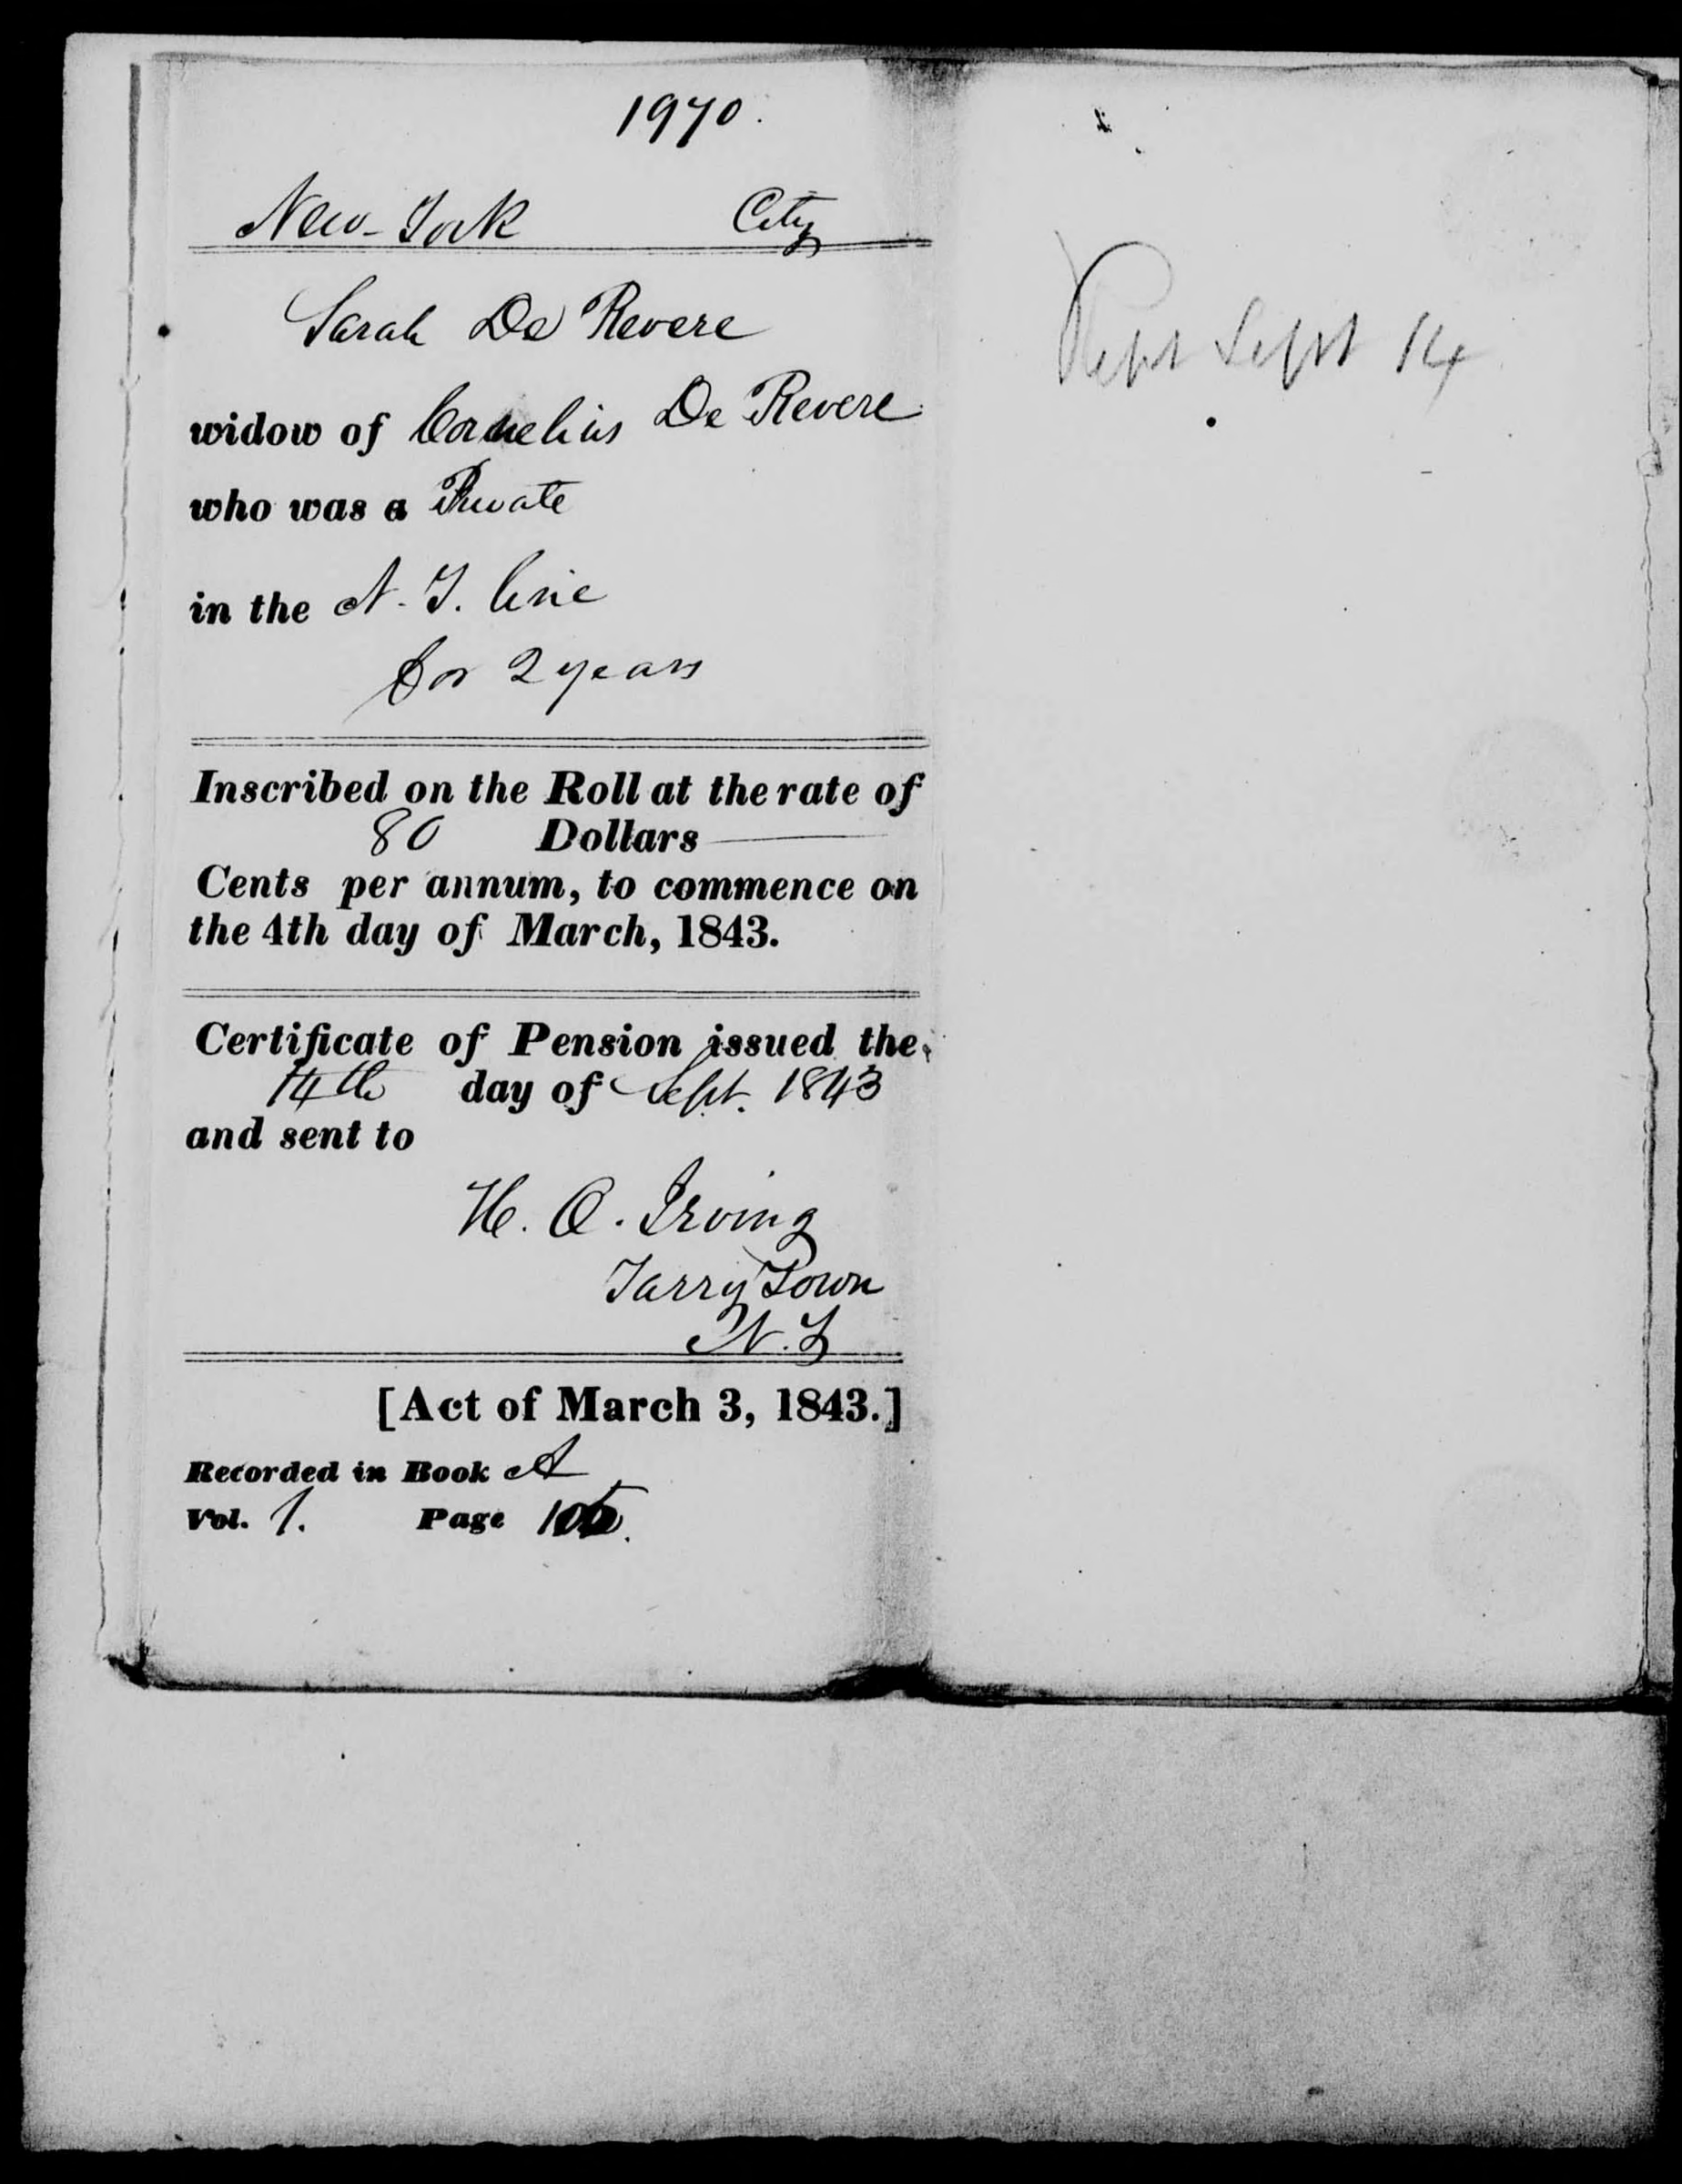[page folded vertically]

[On left side of vertical fold:]
1970
[underlined] New-York    City
[handwritten] Sarah DeRevere
widow of [handwritten] Cornelius DeRevere
who was a [handwritten] Private
in the [handwritten] N.Y. line
for 2 years

Inscribed on the Roll at the rate of [handwritten] 80 [end handwritten] Dollars [handwritten dash/line] - [end handwritten] Cents per annum, to commence on the 4th day of March, 1843.

Certificate of Pension issued the [handwritten] 14th [end handwritten] day of [handwritten] Sept. 1843 [end handwritten] and sent to
[signed] H. O. Irving
[handwritten] TarryTown
N.Y. [end handwritten]

[Act of March 3, 1843.]
Recorded in the Book [handwritten] A
Vol. [handwritten] 1    Page [handwritten] [looks like "100" was written more darkly over "105". However, it could be "105" written over "100."]

[On right side of vertically folded page:]

[handwritten] Pens Sept 14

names: Sarah De Revere, H O Irving, Cornelius De Revere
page: 26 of 40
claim: widow's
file: W. 24057, Cornelius De Revere, New York